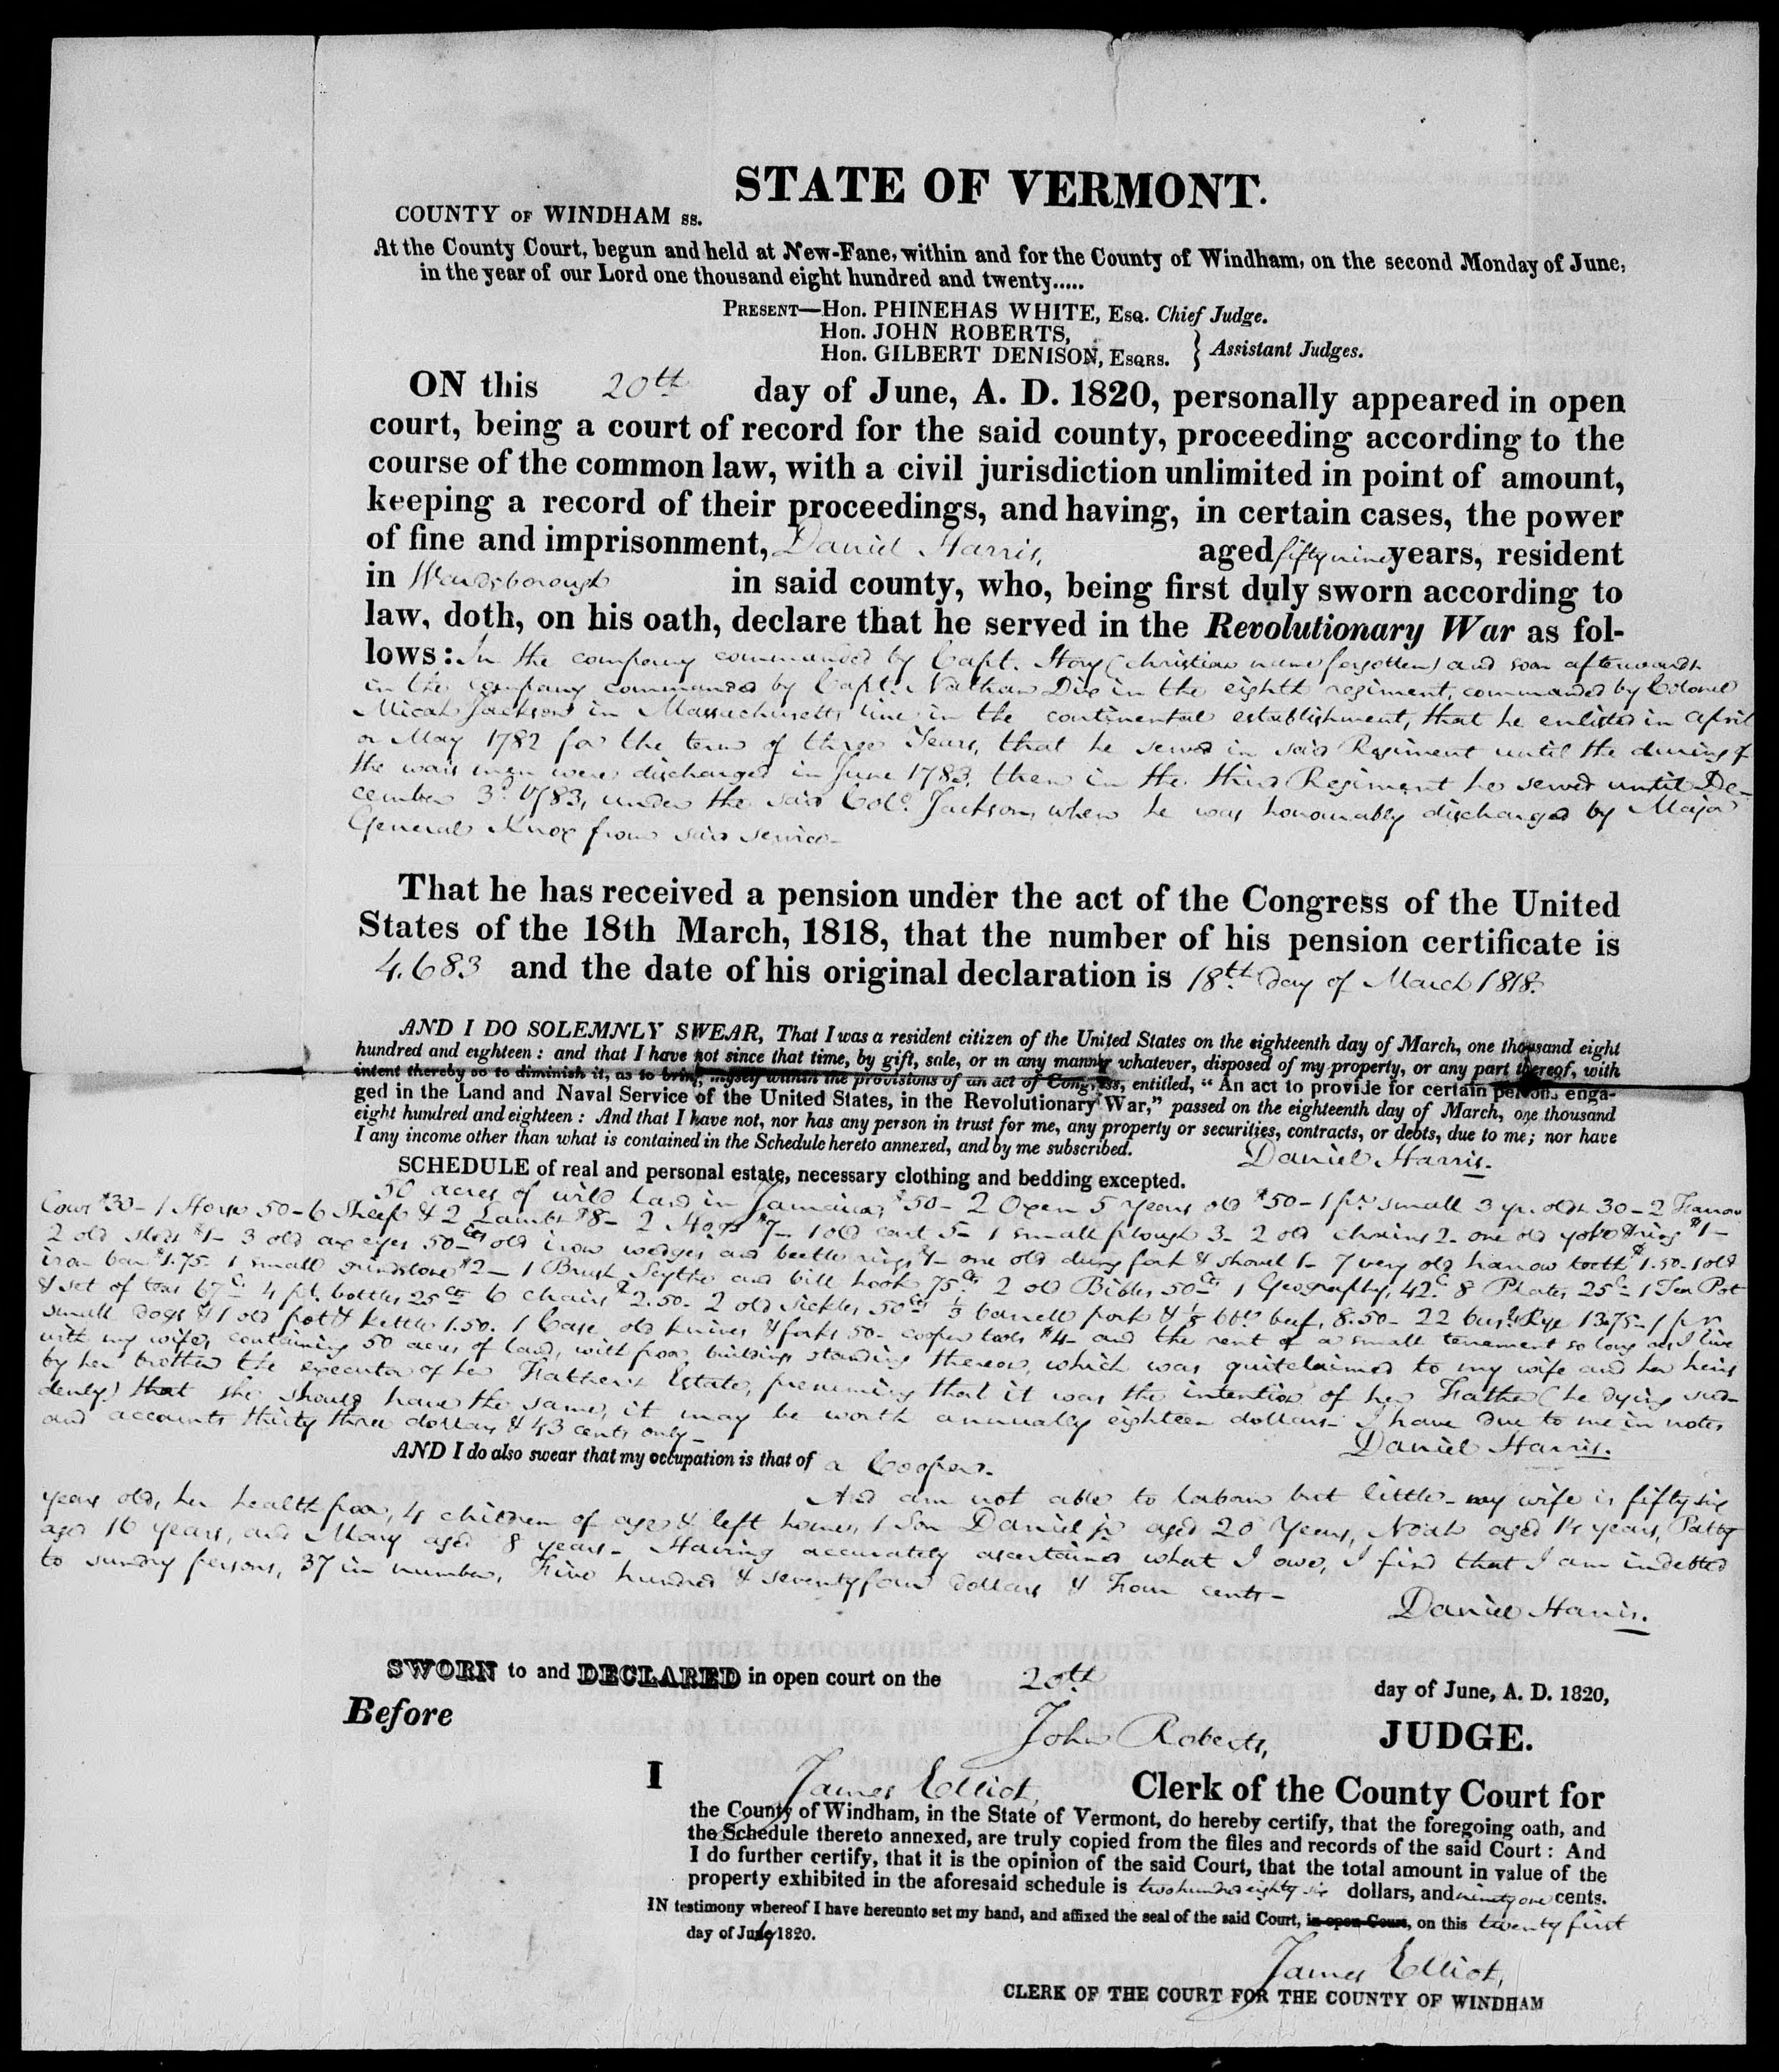State of Vermont
County of Windham ss. 
At the County Court, begun and held at New-Fane, within and for the County of Windham, on the second Monday of June in the year of o and soon ur Lord one thousand eight hundred and twenty. . . . 

Present
Hon. Phinehas White, Esq. Chieft Judge
Hon.  John Roberts, Esqr.  - Assistant Judge
Hon. Gilbert Denison, Esqr. - Assistant Judge

     In the company commanded by Capt. Story ( christian name forgotten and soon afterwards in the company commanded by Capt. Nathan (Die?) in the eighth regiment commanded by Colonel Micah Jackson in Massachusetts line in the continental establishment, that he enlisted in April or May 1782 for the term of three years, that he served in said Regiment until the during of the wars (?) were discharged in June 1783, than in the third Regiment he served until December 3rd 1783, under the said Col. Jackson when he was honourably discharged by Major General Knox from said service. 

That he has received a pension under the act of the Congress of the United States of the 18th March, 1818, that the number of his pension certificate is 4,683 and the date of his original declaration is 18th dayof March 1818.

And I do solemnly swear, That I was a resident citizen of the United States on the eighteenth day of March, one thousand eight hundred and eighteen  :  and that I have not since that time, by gift, sale, or in any manner whatever, disposed of my property, or any part thereof, with intent thereby so to diminish it, as to (?), (?) and provisions of an act of Congress, entitled, "An act to provide for certain persons engaged in the Land and Naval Service of the United States, in the Revolutionary War, " passed on the eighteenth of March, one thousand eight hundred and eighteen  :  And that I have not, nor has any person in trust for me, any property or securities, contracts, or debts, due to me; nor have I any income other than what is contained in the Schedule hereto annexed, and by me subscribed. 
Signature of Daniel Harris. 

SCHEDULE of real and personal estate, necessary clothing and bedding excepted. 
0 acres of wild land in Jamaica; $50 
2 Oxen 5 years old $50
1 par small 3 yr. old 30
2 Farmers cows  $30
1 House - $50
6 Sheep & 2 Lambs - $8
2 Hogs  $7
10 (?)  $5
1 small plough $3
2 old chairs  $2
1 old Yoke (?) $1
2 old (?) $1
3 old ax (?) $50
Old iron wedges and Cattle rigs $7
One oldl dung fork & shovel  $1
7 very old harrow teeth $1.50 sold in a (?) $1.75
1 small grindstone  $2
1 Brush Scythe and Bill hook 75 cts
2 old Bibles 50 cts
1 Geography  42 cts 
8 Plates 25 cts
1 Tea Pot & set of teas  67 cts
4 (?) bottles  25 cts
6 chairs  $2.50
2 old sickles  50 cts
1/3 (?) port & 1/8 (?) beef  $8.50
22 barls Rye  $13.75
1 pair small boxs & 1 old pot & kettle  $1.50
1 case old knives & forks  50
Cooper tools  $4 and 
The rent of a small tenement so long and I live with my wife, containing 50 acres of land, with four buildings standing thereon, which was quit claimed to my wife and her heirs by her brother the executor of (?) Father's Estate, presuming that it was the intention of her Father (he dying suddenly ) that she should have the same, it may be worth annually eighteen dollars.  I have due to me in note, and accounts thirty three dollars & 43 cents only.  
Signature of Daniel Harris

And I do also swear that my occupation is that of a Cooper.

And am not able to labour but little  - my wife is fifty six years old, he health poor, 4 children of ages & left home, 1  Son Daniel is aged 20 years, Noah aged 14 years, Patty aged 16 years, and Mary aged 8 years.  Having accurately ascertained what I owe, I find that I am indebted to sundry persons, 37 in number, Five hundred & seventy four Dollars& Four cents.
Signature of Daniel Harris. 

Sworn to and Declared in open court on the 20th day of June, A.D. 1820, 
Before  John Roberts, Judge. 

I James Elliot, Clerk of the County Court for the County of Windham, in the State of Vermont, do herebt certify, that the foregoing oath, and the Schedule thereto annexed, are truly copied from the files and records of the said Court : And I do further certify, that it is the opinion of the said Court, that the total amount in value of the property exhibited in the aforesaid schedule is two hundred eighty six dollars and ninety one cents. 

In testimony whereof I have hereunto set my hand, and affixed the seal of the said Court on this twenty first day of July 1829. 

Signature of James Elliot
Clerk of the Court for the County of Windham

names: Story, John Roberts, Daniel Harris, Micah Jackson, Phinehas White, Knox, James Elliot, Jackson, John Roberts, Daniel Harris, Daniel, Nathan Dix, Daniel Harris, James Elliot, Gilbert Denison, Daniel Harris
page: 32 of 68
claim: survivor's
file: S. 29,877, Daniel Harris, Mass.